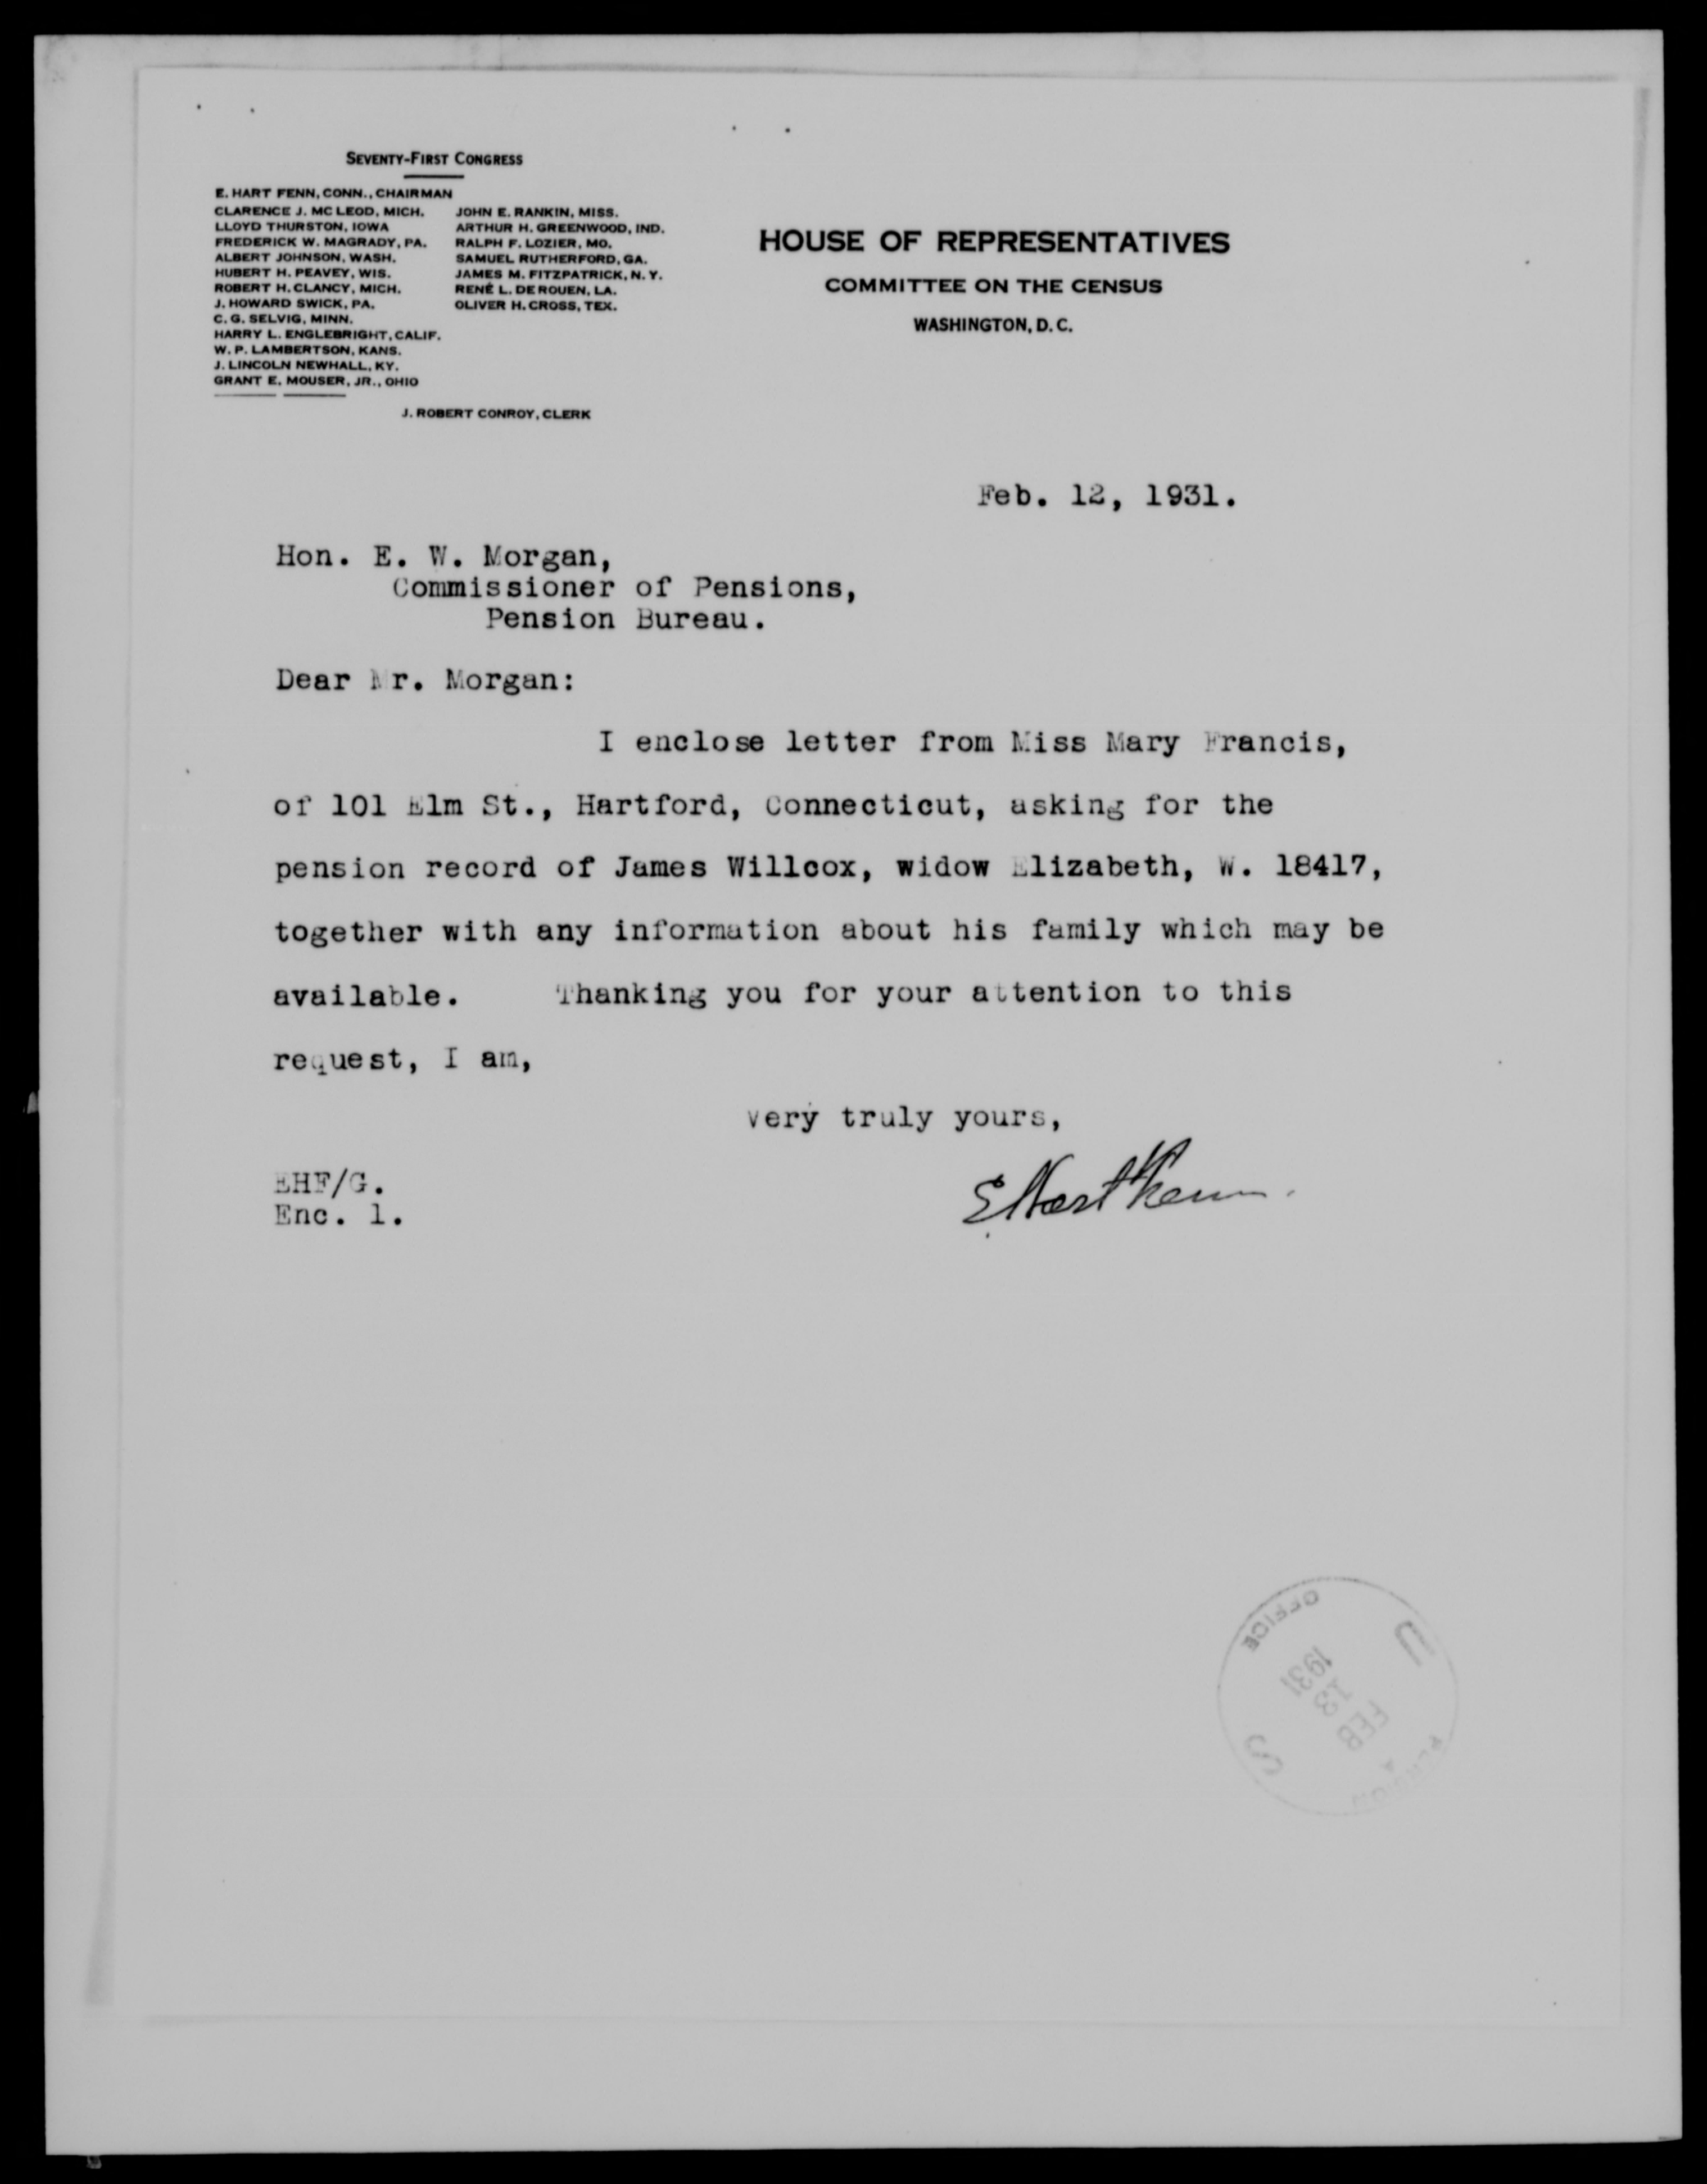SEVENTY-FIRST CONGRESS
--------------------
E. HART FENN, CONN., CHAIRMAN
CLARENCE J. MC LEOD, MICH.
LLOYD THURSTON, IOWA
FREDERICK W. MAGRADY, PA.
ALBERT JOHNSON, WASH.
HUBERT H. PEAVEY, WIS.
ROBERT H. CLANCY, MICH.
J. HOWARD SWICK, PA.
C. G. SELVIG, MINN.
HARRY L. ENGLEBRIGHT, CALIF.
W. P.  LAMBERTSON, KANS.
J. LINCOLN NEWHALL, KY
GRANT E. MOUSER, JR., OHIO
JOHN E. RANKIN, MISS.
ARTHUR H. GREENWOOD, IND.
RALPH F. LOZIER, MO.
SAMUEL RUTHERFOLD, GA.
JAMES M. FITZPATRICK, N. Y.
RENE L. DEROUEN, LA.
OLIVER H. CROSS, TEX
----------   -------------
J. ROBERT CONROY, CLERK .

HOUSE OF REPRESENTATIVES 
COMMITTEE ON THE CENSUS
WASHINGTON, D. C.

Feb. 12, 1931.

Hon. E. W. Morgan,
Commissioner of Pensions,
Pension Bureau.

Dear Mr. Morgan:

I enclose letter from Miss Mary Francis, of 101 Elm St., Hartford, Connecticut, asking for the pension record of James Willcox, widow Elizabeth,  W. 18417, together with any information about his family which may be available.  Thanking you for your attention to this request I am,
Very truly yours,
E. Hart Fenn

EHE/G.
Enc.  1.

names: C G Selvig, Rene L Derguen, Lloyd Thurston, Frederick W Magrady, Elizabeth Willcox, E W Morgan, Samuel Rutherford, Robert H Clancy, W P Lambertson, Arthur H Greenwood, Harry L Englebright, Albert Johnson, Mary Francis, John E Rankin, J Howard Swick, Oliver H Cross, James M Fitzpatrick, Hubert H Peavey, Grant E Mouser, E Hart Fenn, J Lincoln Newhall, J Robert Conroy, Ralph F Lozier, James Willcox, Clarence J Mcleod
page: 46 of 46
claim: widow's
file: W. 18,417, James Willcox, Conn.